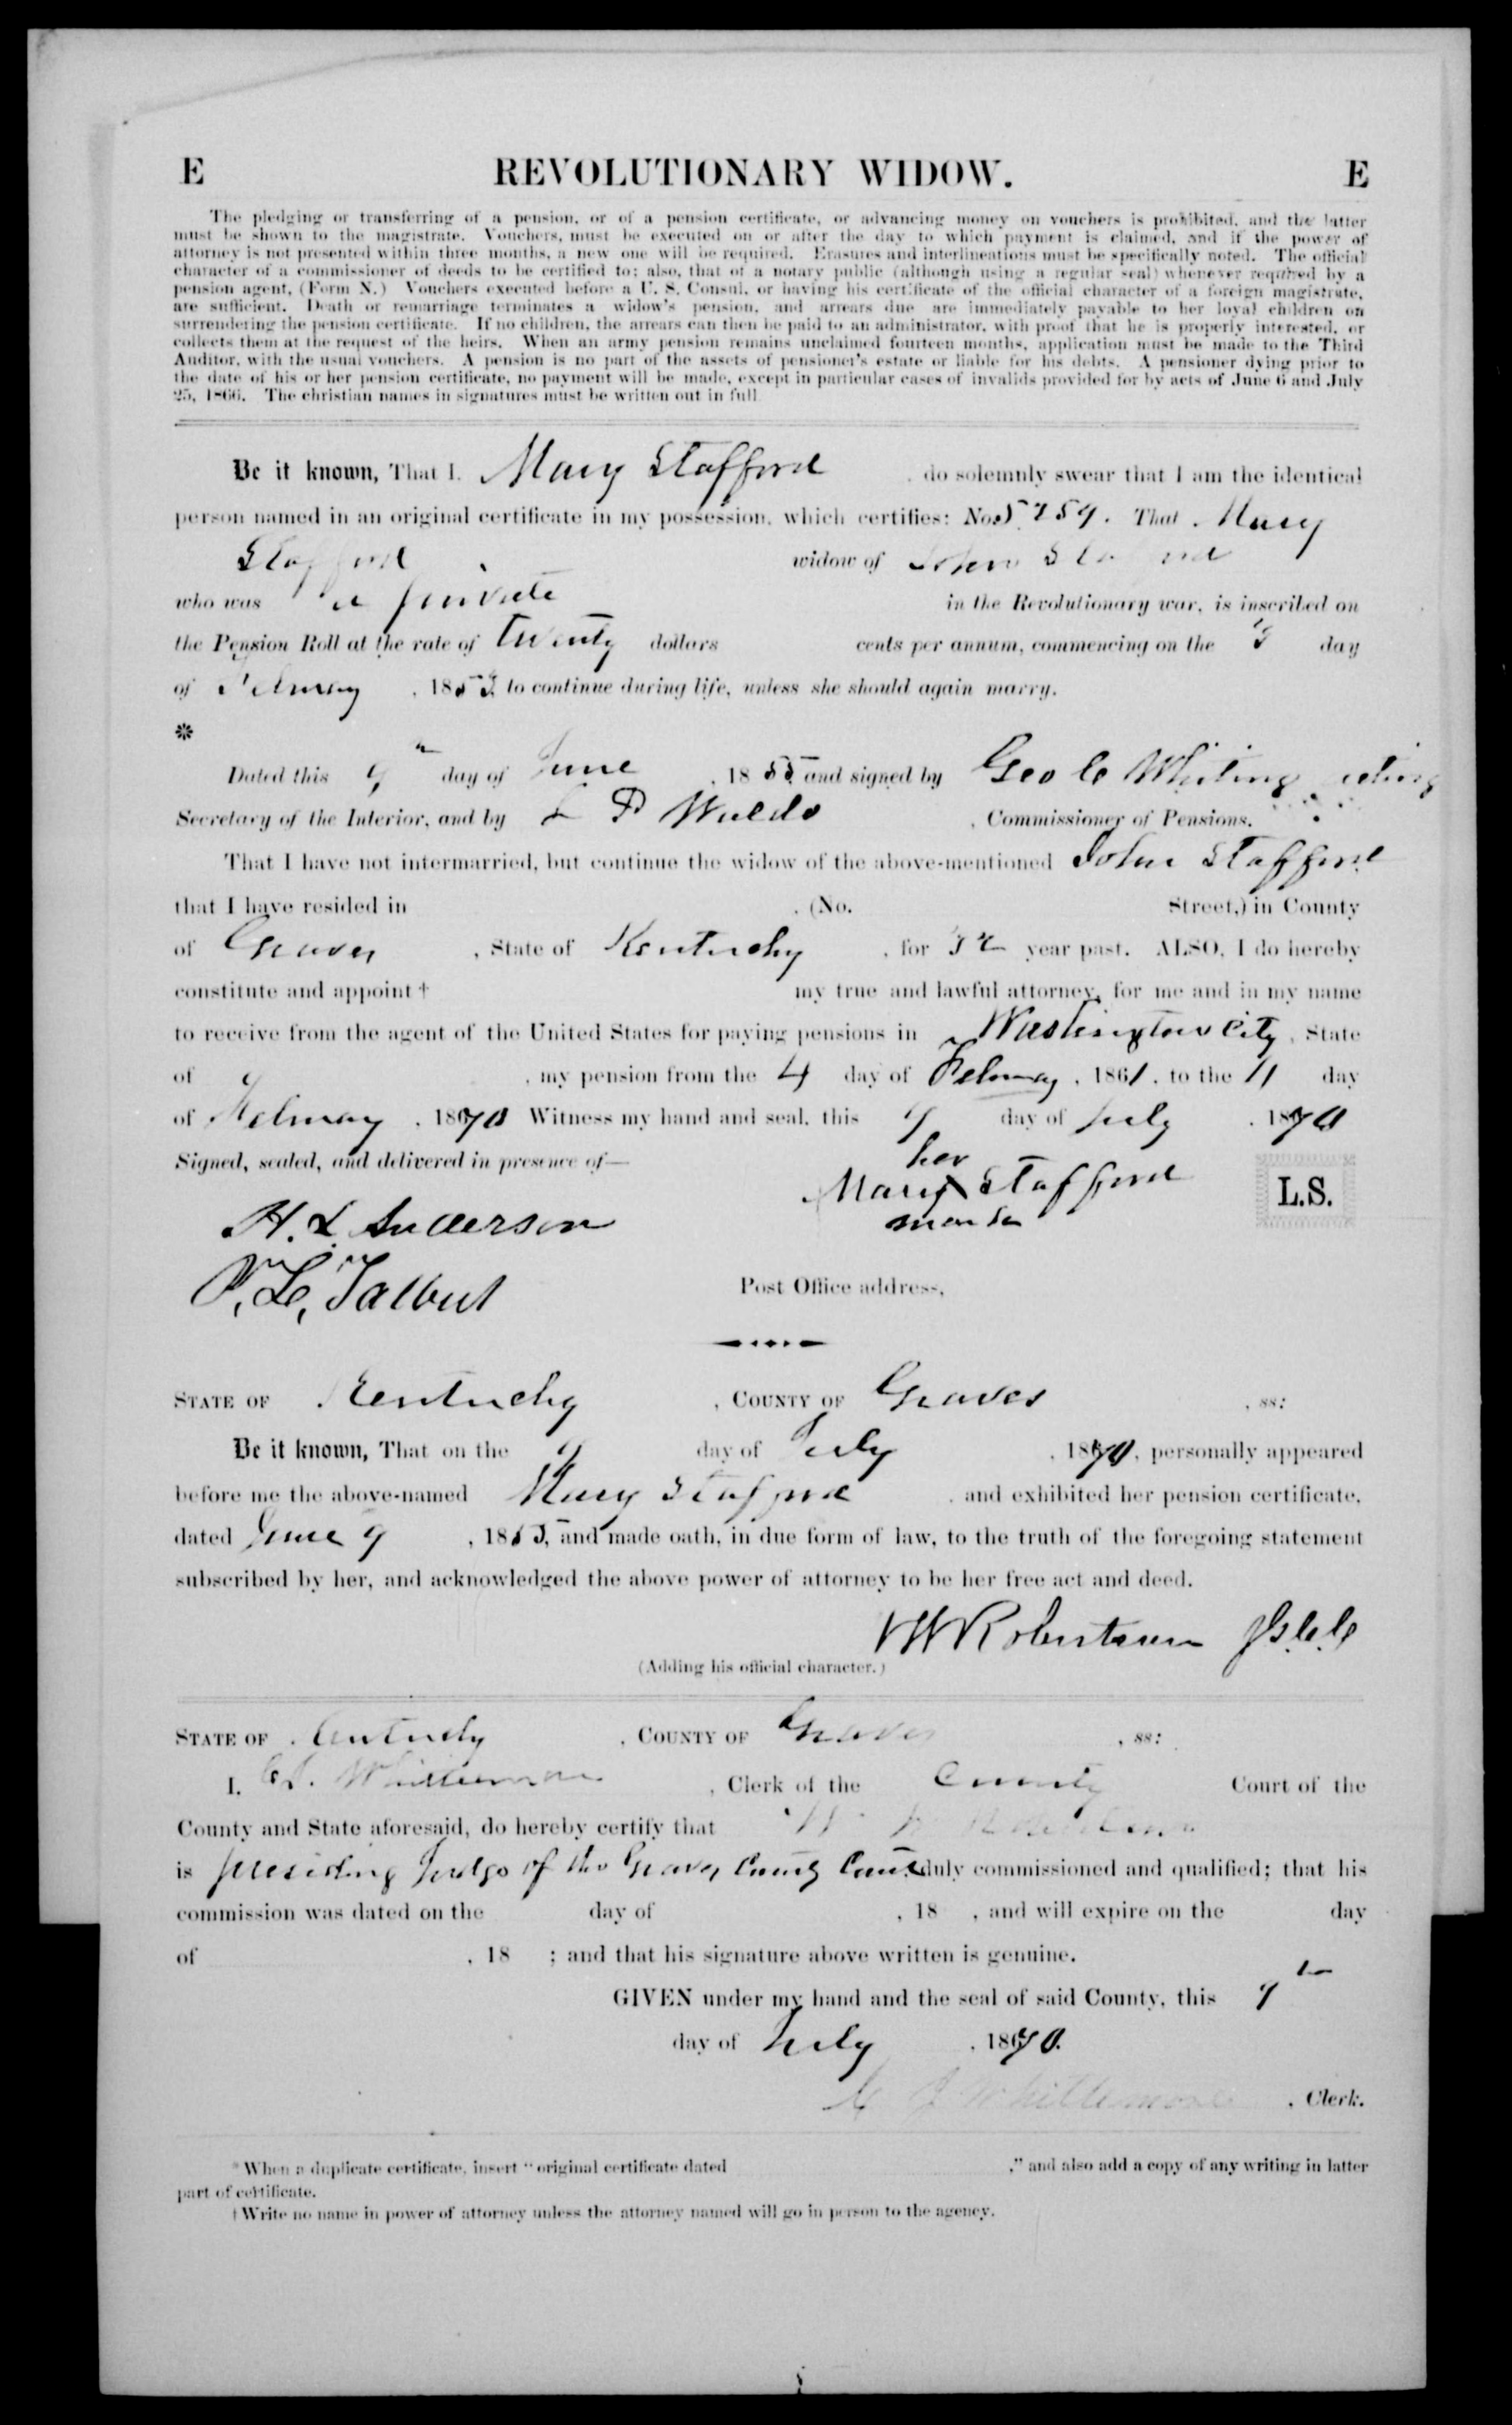E	E
REVOLUTIONARY WIDOW.	
	The pledging or transferring of a pension, or of a pension certificate, or advancing money on vouchers is prohibited, and the latter must be shown to the magistrate. Vouchers, must be executed on of after the day to which payment is claimed, and if the power of attorney is not presented within three months, a new one will be required. Erasures and interlineations must be specifically noted. The official character of a commissioner of deeds to be certified to:also, that of notary public (although using a regular seal) whenever required by a pension agent, (Form N.) Vouchers executed before a U. S. Consul, or having his certificate of the official character of a foreign magistrate, are sufficient. Death or remarriage terminates a widow’s pension, and arrears due are immediately payable to her loyal children on surrendering the pension certificate. If no children, the arrears can then be paid to an administrator, with proof that he is properly interested, or collects them at the request of the heirs. When an army pension remains unclaimed fourteen months, application must be made to the Third Auditor, with the usual vouchers. A pension is no part of the assets of pensioner’s estate or liable for his debts. A pensioner dying prior to the date of his or her pension certificate, no payment will be made, except in particular cases of invalids provided for by acts of June 6 and July 25, 1866. The christian names in signatures must be written out in full.

	Be it known, That I, Mary Stafford, do solemn swear that I am the identical person named in an original certificate in my possession, which certifies: No 5759. That Mary Stafford widow of John Stafford who was a private in the Revolutionary war, is inscribed on the Pension Roll at the rate of twenty dollars 	 cents per annum, commencing on the 3 day of February, 1853, to continue during life, unless she should again marry.
*
	Dated this 9th day of June, 1855 and signed by Geo C Whiting acting Secretary of the Interior, and by L D Waldo.

	That I have not intermarried, but continue the widow of the above-mentioned John Stafford that I have resided in 		. (No. 		Street,) in County of Graves, State of Kentucky, for 32 year past. ALSO, I do hereby constitute and appoint + 		 my true and lawful attorney, for me and in my name to receive from the agent of the United States for paying pensions in Washington City, State of 			, my pension from the 4 day of February, 1861, to the 4 day of February, 1870. Witness my hand and seal, this 9 day of July 1870.

her
Mary X Stafford		LS
mark
Signed, sealed and delivered in presence of—
H. L. Anderson
P. L Talbert			Post Office address, 

State of Kentucky, County of Graves, ss:
	Be it known, That on the 9 day of July 1870: personally appeared before me the above-named Mary Stafford, and exhibited her pension certificate, dated June 7, 1855, and made oath, in due form of law, to the truth of the foregoing statement subscribed by her, and acknowledged the above power of attorney to be her free act and deed.
WW Roberston jlslele
(Adding his official character)

State of Kentucky, County of Graves, ss:
I C. J. Whittemore , Clerk of the County Court of the County and State aforesaid, do hereby certify theat W. W Robertson is presiding Judge of the Graves County Court, duly commissioned and qualified; that his commission was dated on the 		 day of 		, 18	, and will expire on the 		 day 		, 18	; and that his signature above written is genuine,
GIVEN under my hand and the seal of said County, this 9th
day of July 1870.
C. J. Whittemore, Clerk

	*When a duplicate certificate, insert “original certificate dated		, “ and also add a copy of any writing in latter part of certificate 
	+Write no name in power of attorney unless the attorney named will go in person to the agency.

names: W W Robertson; Mary Stafford; C J Whitlemore; W W Robertson; C J Whitlemore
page: 41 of 61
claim: widow's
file: W. 11554, for John Stafford, Maryland